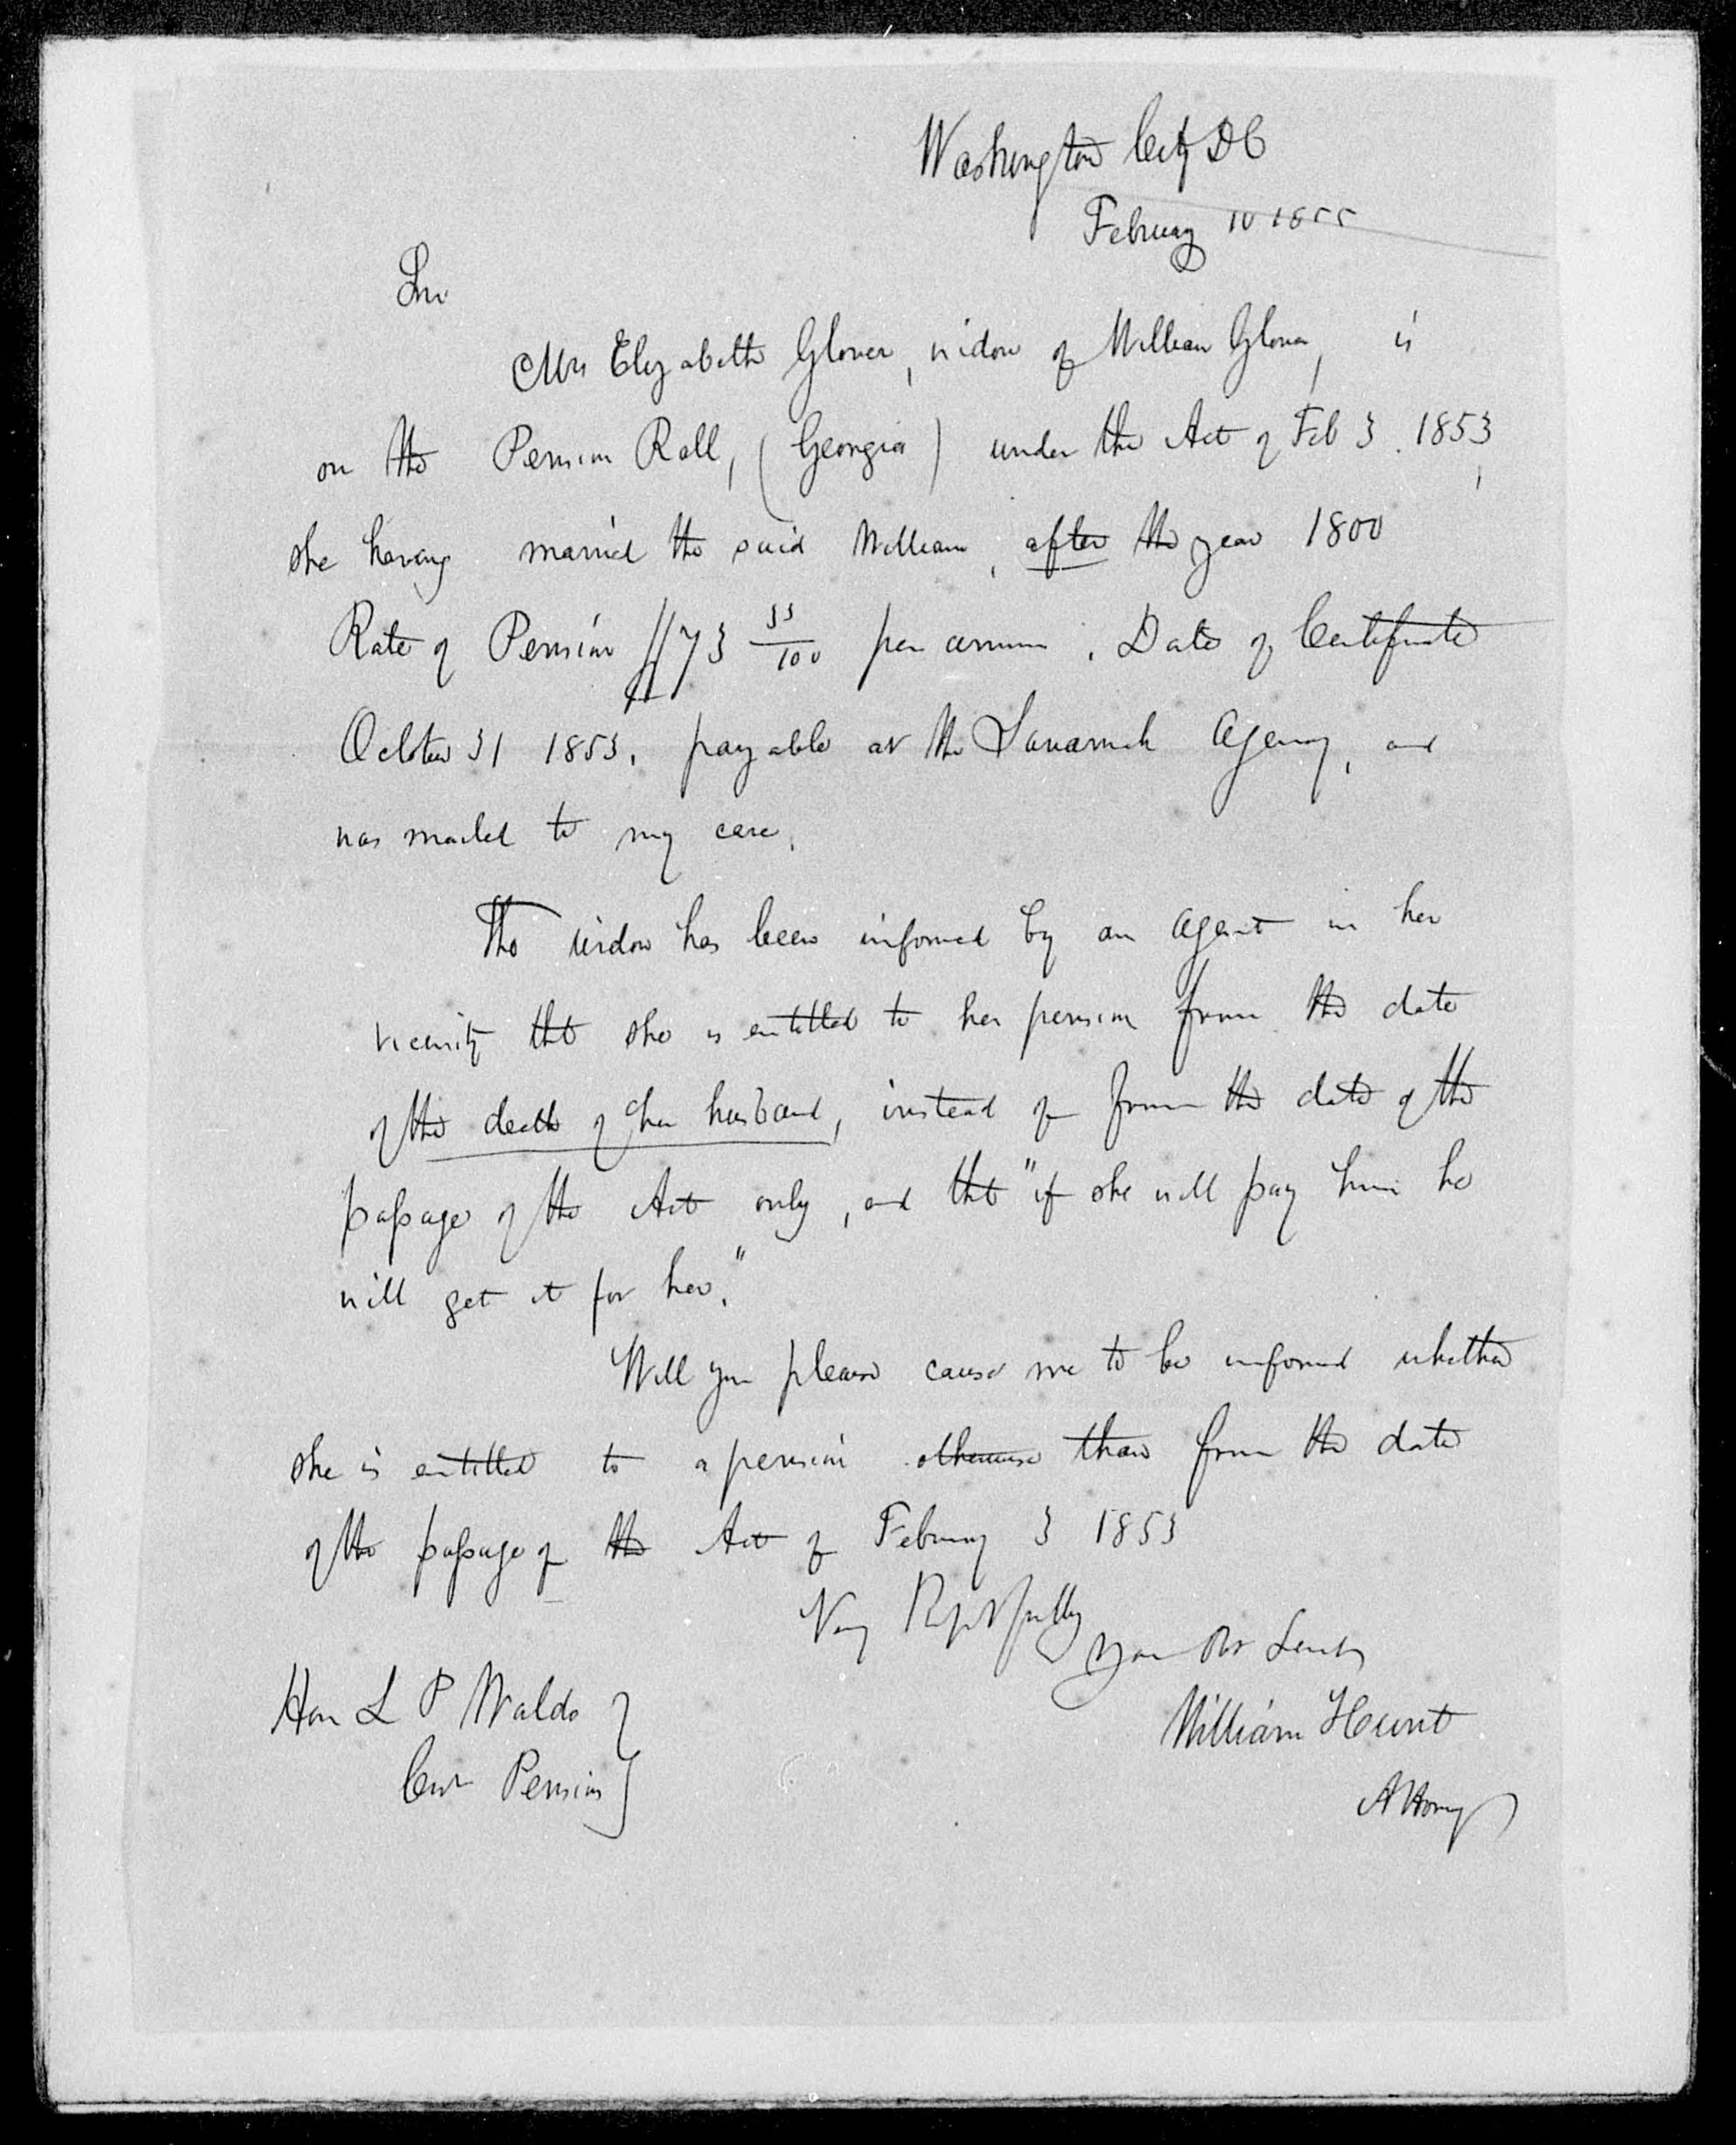Washington City DC
February 10 1855

Sir 

Mrs. Elizabeth Glover, widow of William Glover is on the Pension Roll, (Georgia) under the Act of Feb 3 1853 she having married the said William after the year 1800

Rate of Pension $73 33/100 per annum.  Date of Certificate October 31 1853, payable on the Savanah Agency or has mailed to my care. 

The widow has been informed by an agent in her [illegible] that she is entitled to her pension from the date {illegible] death of her husband, instead of from the date the [illegible] the Act only, and that "if she will pay him he will get it for her." 

Will you please cause me to be informed whether she is entitled to a pension other than from the date [illegible] of Act of February 3 1853

Very Respectfully 
[illegible]
William Hunt 
Attorney 

Hon L P Waldo}
Comm Pension}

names: William Hunt, L P Waldo, William Glover, William, Elizabeth Glover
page: 32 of 51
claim: widow's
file: W. 929, William Glover, N.C.